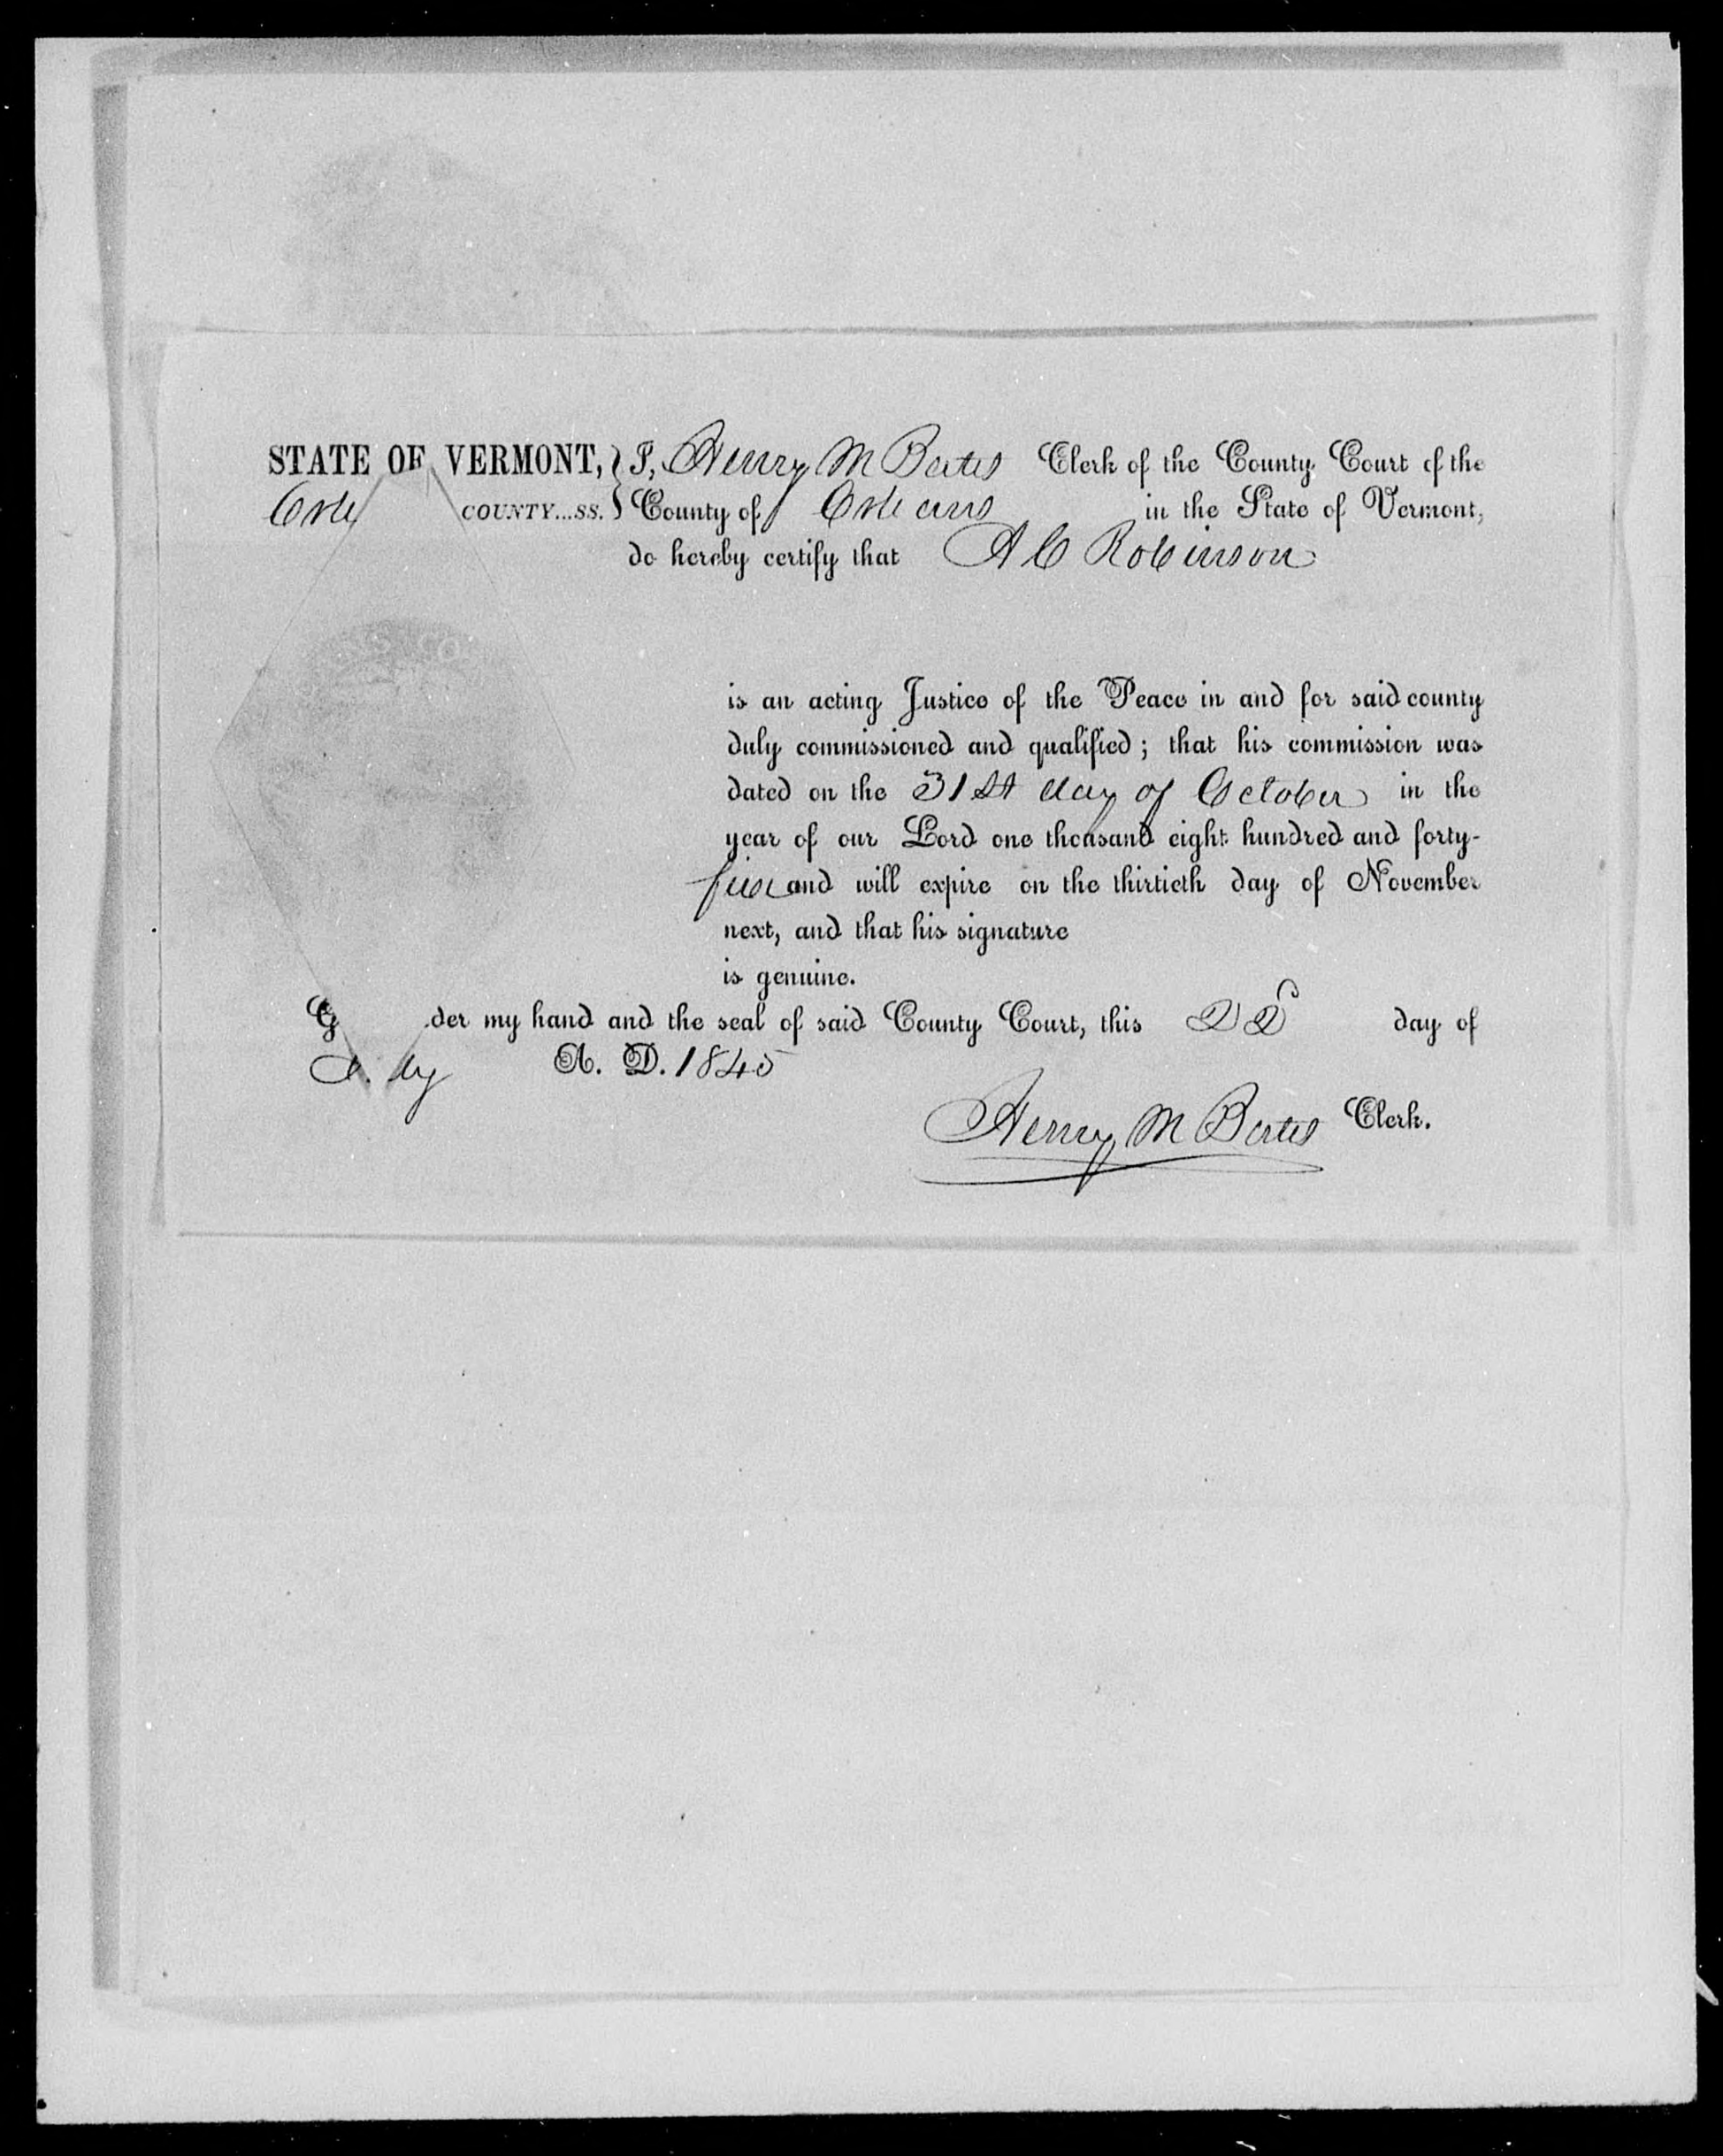STATE OF VERMONT,}
Orleans COUNTY...SS.} I, Henry M. Bates Clerk of the County Court of the County of Orleans in the State of Vermont, do hereby certify that A C Robinson is an acting Justice of the Peace in and for said county duly commissioned and qualified; that his commission was dated on the 31st day of October in the year of our Lord one thousand eight hundred and forty-five and will expire on the thirtieth day of November next, and that his signature is genuint.

Given under my hand and the seal of said County Court, this 22d day of July A. D. 1845.

Henry M. Bates Clerk.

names: A C Robinson, Henry M Bates, Henry M Bates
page: 54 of 61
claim: widow's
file: W. 19500, Samuel Thing Gilman, Continental N.H.